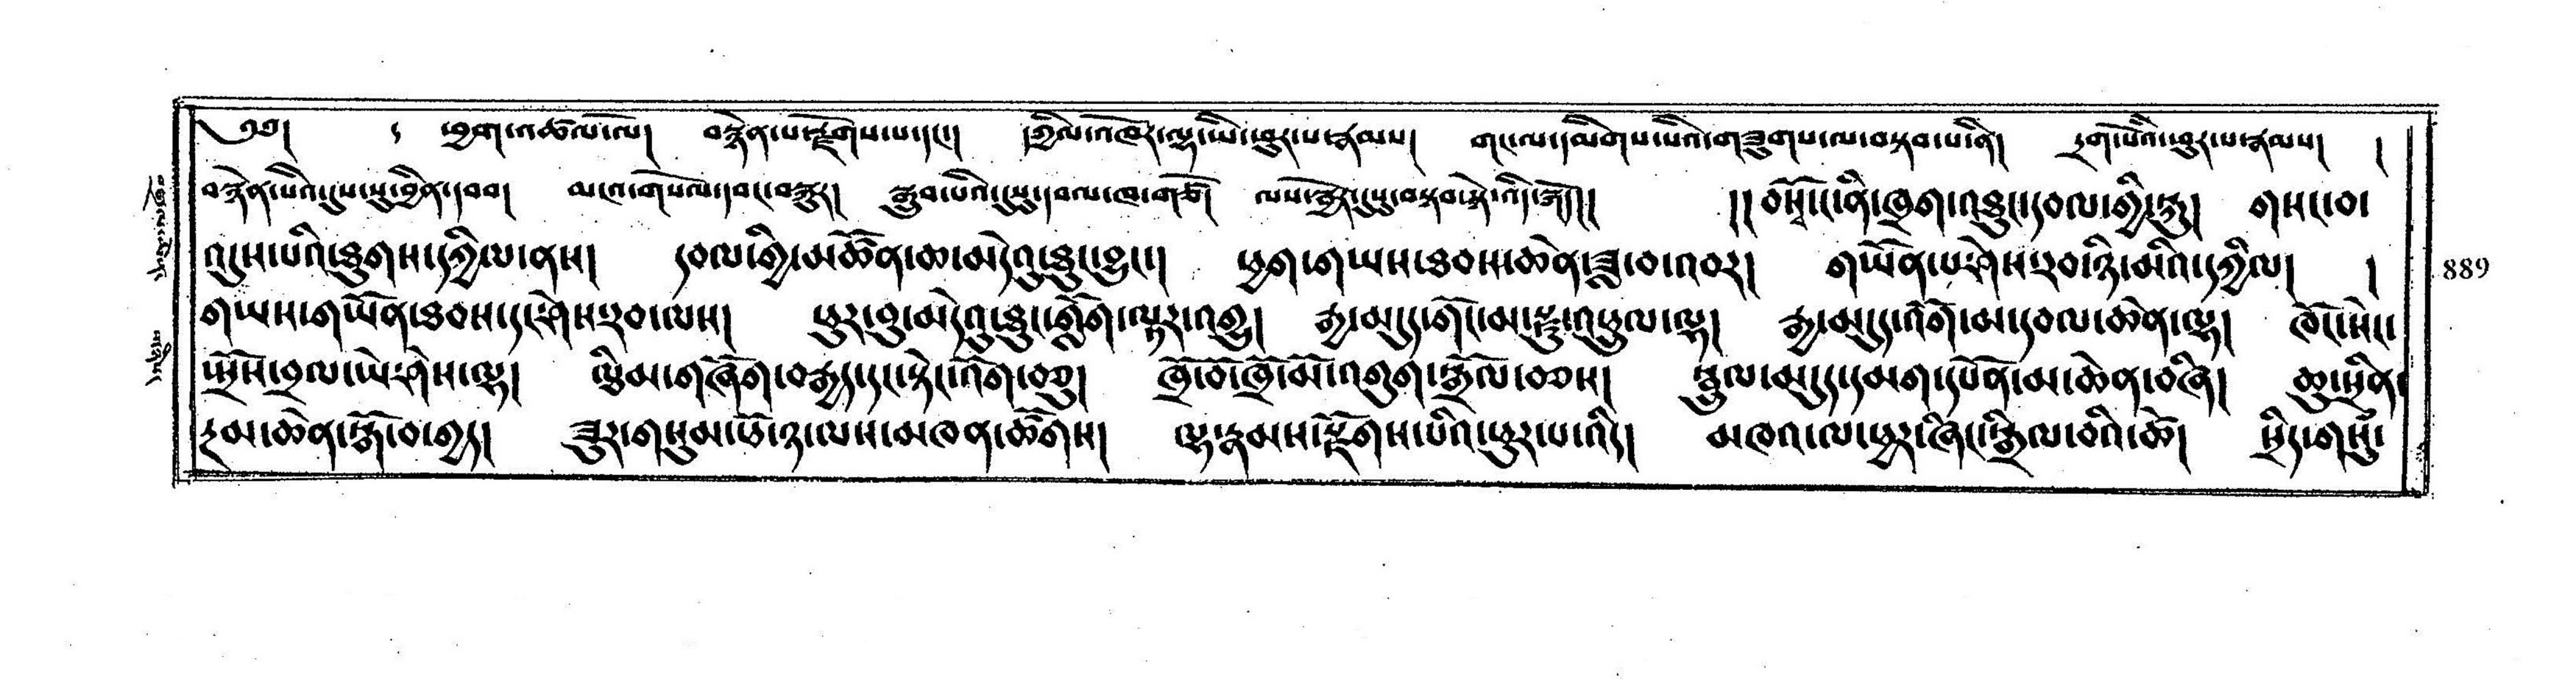ཕྱག་འཚལ་ལོ། །བསྙེན་པ་རྫོགས་པ་དང་། དཀྱིལ་འཁོར་ལྷ་ཡི་ཕུར་པ་རྣམས། གང་ལ་དམིགས་པའི་གཟུགས་ལ་བསྟབ་པ་ནི། དྲག་པོའི་ཕུར་པ་རྣམས། 
བསྙེན་པའི་དུས་སུ་བྱིན་དབབ། མངའ་གསོལ་དབང་བསྐུར། སྒྲུབ་པའི་དུས་སུ་དབལ་ཁ་གཙོ། ལས་སྦྱོར་དུས་སུ་བསྟབ་སྟེ་འདི་སྐད་དོ།། །།བསྭོ་ང་ནི་ཁྲག་འཐུང་དབལ་གྱི་སྐུ། གསང་བ་
འདུས་པའི་ཐུགས་དཀྱིལ་ནས། དབལ་གྱི་མཚོན་ཆ་མེདའུ་ཐུང་བྱུང་། ཕྱག་གཡས་ཐབས་ཆེན་ཟླ་བ་འབར། གཡོན་པ་ཤེས་རབ་ཉི་མའི་དཀྱིལ། 
གཡས་གཡོན་ཐབས་དང་ཤེས་རབ་ལས། ཕུར་བུ་མདེའུ་ཐུང་གློག་ལྟར་འགྱུ། རྒྱ་མདུད་གོང་མ་རྫུ་འཕྲུལ་ལྷ། རྒྱ་མདུད་འོག་མ་དབལ་ཆེན་ལྷ། ཁོང་{1146}སེང་
སྤྲོས་བྲལ་ཡེ་ཤེས་ལྷ། ལྕིམ་གཞོག་བརྒྱད་དང་སྟེང་འོག་བཅུ། ཁྲོ་བོ་ཁྲོ་མོ་འགུག་སྒྲོལ་བཅས། སྦྲུལ་མདུད་དམག་དཔོན་མ་ཆེན་བཞི། ཆུ་སྲིན་
རྔམ་ཆེན་སྒོ་བ་གྱད། ཟུར་གསུམ་ཕོ་ཉ་ལས་མཁན་ཚོགས། ལྷ་རྣམས་རྫོགས་པའི་ཕུར་པ་འདི། མཁའ་ལ་ཕྱར་ཞིང་སྒྲིལ་བའི་ཚེ། སྲིད་གསུམ་